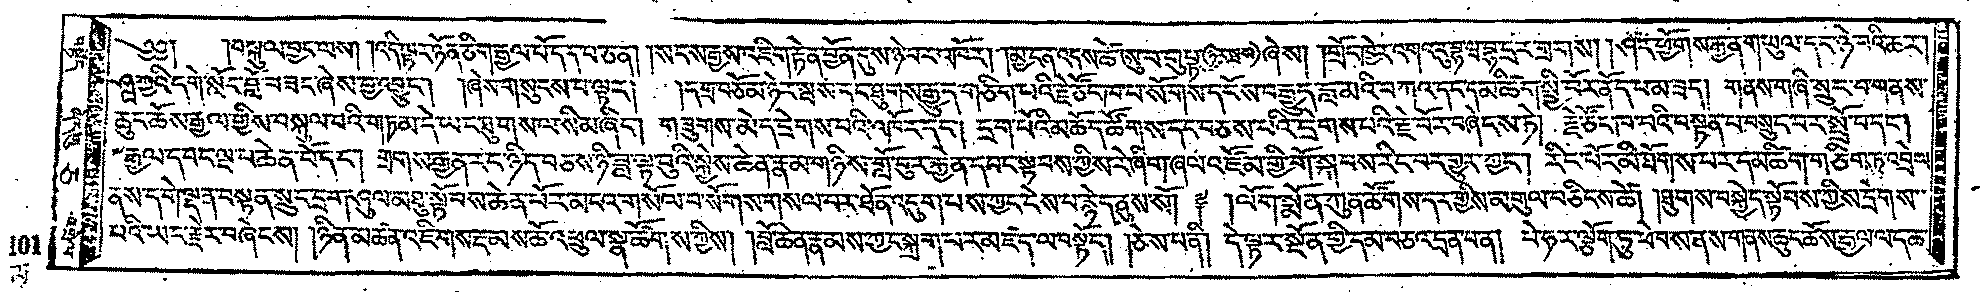༄༅། །བསྐུལ་བྱང་ལས། །འདི་ལྟར་ཉོན་ཅིག་རྒྱལ་པོ་དད་པ་ཅན། །སངས་རྒྱས་འཇིག་རྟེན་བྱོན་དུས་ཉེ་བར་འཁོར། །མྱ་ངན་འདས་ཚེ་ཨུ་པ་གུཔྟ་ཉེར་སྦས་ཞེས། །གྲོང་ཁྱེར་འགའ་རུ་བྷ་ཝ་བྷ་དྲར་གྲགས། །ཤར་ཕྱོགས་རྒྱ་ནག་ཡུལ་དང་ཉེ་བའི་ཆར།
ཤཱཀྱའི་དགེ་སློང་བློ་བཟང་ཞེས་བྱ་འབྱུང་། །ཞེས་གསུངས་པ་ལྟར། །དགྲ་བཅོམ་ཉེར་སྦས་དང་ཐུགས་རྒྱུད་གཅིག་པའི་རྗེ་ཙོང་ཁ་པ་སོགས་དངོས་བརྒྱུད་བླ་མའི་བཀའ་དང་དམ་ཚིག་སྤྱི་བོར་ནོད་པ་མ་ཟད། གནས་གཞི་སྲུང་བ་གནས་
ཆུང་ཆོས་རྒྱལ་གྱིས་བསྐུལ་བའི་གཏམ་དེ་ཡང་ཐུགས་ལ་སིམ་ཞིང་། གཟུགས་མེད་དྲེགས་པའི་འཁོར་དང་། དྲག་པོའི་མཆོད་ཚོགས་དང་བཅས་པའི་དྲེགས་པའི་རྗེ་བོར་བཞེངས་ཏེ། རྗེ་ཙོང་ཁ་བའི་བསྟན་པ་བསྲུང་བར་སྤྲོ་བ་དང་།
༧རྒྱལ་དབང་ལྔ་པ་ཆེན་པོ་དང་། གྲགས་རྒྱན་རང་ཉིད་བཅས་ཉི་ཟླ་ལྟ་བུའི་སྐྱེས་ཆེན་རྣམ་གཉིས་གློ་བུར་རྐྱེན་དབང་སྟབས་ཀྱིས་རེ་ཞིག་ཞལ་འཛོམ་གྱི་གོ་སྐབས་རིང་བར་གྱུར་ཀྱང་། རིང་པོར་མི་ཐོགས་པར་དམ་ཚིག་གཅིག་ཏུ་འབྲེལ་
ནས་དགེ་ལྡན་བསྟན་སྲུང་དྲག་ཤུལ་མཐུ་སྟོབས་ཆེན་པོར་མངའ་གསོལ་བ་སོགས་གསལ་བར་ཐོན་འདུག་པས་ཀྱང་ངེས་པ་རྙེད་ནུས་སོ། ༈ །ལོག་སྨོན་ཀུན་ཚོགས་དར་གྱིས་མགུལ་བཅིངས་ཚེ། །ཐུགས་བསྐྱེད་སྟོབས་ཀྱིས་དྲེགས་
པའི་ཡང་རྗེར་བཞེངས། །ཉིན་མཚན་འཇིགས་རྔམས་ཆོ་འཕྲུལ་སྣ་ཚོགས་ཀྱིས། །བློ་ཆེན་རྣམས་ཀྱང་སྐྲག་པར་མཛད་ལ་བསྟོད། །ཅེས་པ་ནི། དེ་ལྟར་སྔོན་གྱི་དམ་བཅའ་དྲན་པ་ན། པེ་ཧར་ལྕོག་ཏུ་ཕེབས་ནས་གནས་ཆུང་ཆོས་རྒྱལ་ལ་ད་ཆ་